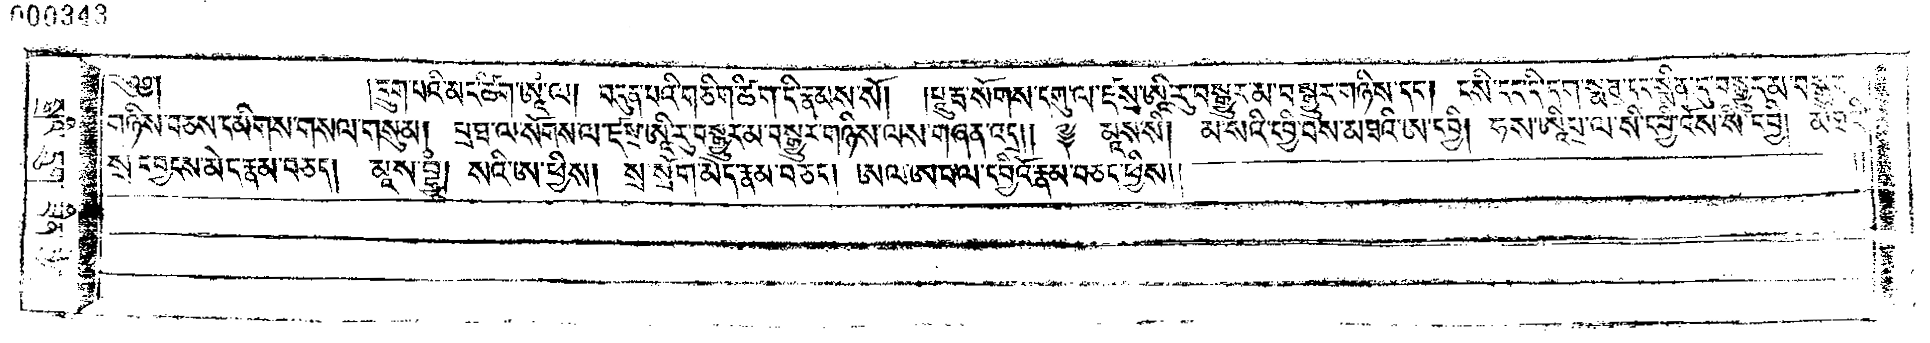༄༅། །དྲུག་པའི་མང་ཚིག་ཨཱཾ་ལ། བདུན་པའི་གཅིག་ཚིག་དི་རྣམས་སོ། །པཱུརྦ་སོགས་དགུ་ལ་ཛསྲ་ཨཱི་རུ་བསྒྱུར་མ་བསྒྱུར་གཉིས་དང་། ངསི་?་དང་དི་དག་སྨཊ་དང་སྨིན་དུ་བསྒྱུར་མ་བསྒྱུར་
གཉིས་བཅས་དམིགས་གསལ་གསུམ། པྲ་ཐ་ལ་སོགས་ལ་ཛསྲ་ཨཱི་རུ་བསྒྱུར་མ་བསྒྱུར་གཉིས་ལས་གཞན་འདྲ།། ༈ མཱས་སི། མ་སའི་དབྱི་བས་མཐའི་ཨ་དབྱི། ཧས་ཨཱི་པྲ་ལ་སི་དབྱི་འོས་སི་དབྱི། མཐའི་
སྲ་དབྱངས་མེད་རྣམ་བཅད། མཱས་བྷྱཱཾ། སའི་ཨ་ཕྱིས། སྲ་སྲོག་མེད་རྣམ་བཅད། ཨལ་ཨབ་ལ་དབྱིའོ་རྣམ་བཅད་ཕྱིས།། །།